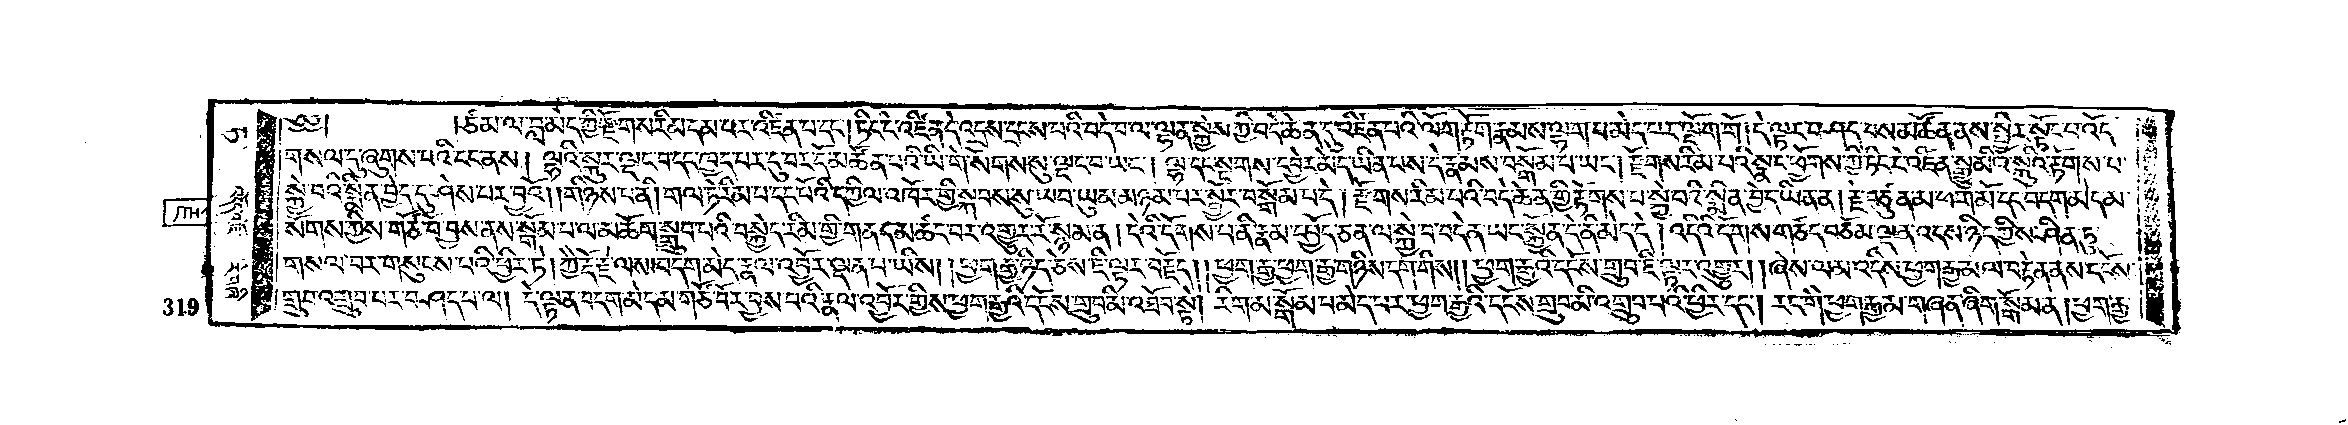༄༅། །ཙམ་ལ་བླ་མེད་ཀྱི་རྫོགས་རིམ་དམ་པར་འཛིན་པ་དང་། ཏིང་ངེ་འཛིན་དེ་འདྲས་དྲངས་པའི་བདེ་བ་ལ་ལྷན་སྐྱེས་ཀྱི་བདེ་ཆེན་དུ་འཛིན་པའི་ལོག་རྟོག་རྣམས་ལྷག་མ་མེད་པར་ལྡོག་གོ། དེ་ལྟར་བཤད་པས་མཚོན་ནས་སྤྱིར་སྟོང་པ་འོད་
གསལ་དུ་ཞུགས་པའི་ངང་ནས། ལྷའི་སྐུར་ལྡང་བ་དང་ཁྱད་པར་དུ་བར་དོ་མཚོན་པའི་ཡི་གེ་སོགས་སུ་ལྡང་བ་ཡང་། ལྷ་དང་སྔགས་དབྱེར་མེད་ཡིན་པས་དེ་རྣམས་བསྒོམ་པ་ཡང་། རྫོགས་རིམ་པའི་སྣང་ཕྱོགས་ཀྱི་ཏིང་ངེ་འཛིན་སྒྱུ་མའི་སྐུའི་རྟོགས་པ་
སྐྱེ་བའི་སྨིན་བྱེད་དུ་ཤེས་པར་བྱའོ། །གཉིས་པ་ནི། གལ་ཏེ་རིམ་པ་དང་པོའི་དཀྱིལ་འཁོར་གྱི་སྐབས་སུ་ཡབ་ཡུམ་མཉམ་པར་སྦྱོར་བ་སྒོམ་པ་དེ། རྫོགས་རིམ་པའི་བདེ་ཆེན་གྱི་རྟོགས་པ་སྐྱེ་བའི་སྨིན་བྱེད་ཡིན་ན། རྗེ་བཙུན་མ་ཕག་མོ་དང་བདག་མེད་མ་
སོགས་ཀྱིས་གཙོ་བོ་བྱས་ནས་སྒོམ་པ་ལ་མཆོག་སྒྲུབ་པའི་བསྐྱེད་རིམ་གྱི་གནད་མ་ཚང་བར་འགྱུར་རོ་སྙམ་ན། དེའི་དོགས་པ་ནི་རྣམ་དཔྱོད་ཅན་ལ་སྐྱེ་བ་བདེན་ཡང་སྐྱོན་དེ་ནི་མེད་དེ། འདིའི་དོགས་གཅོད་བཅོམ་ལྡན་འདས་ཉིད་ཀྱིས་ཤིན་ཏུ་
གསལ་བར་གསུངས་པའི་ཕྱིར་ཏེ། ཀྱཻ་རྡོ་རྗེ་ལས། བདག་མེད་རྣལ་འབྱོར་ལྡན་པ་ཡིས། །ཕྱག་རྒྱ་ཉིད་ཅེས་ཇི་ལྟར་བརྗོད། །ཕྱག་རྒྱ་ཕྱག་རྒྱ་གཉིས་དག་གིས། །ཕྱག་རྒྱའི་དངོས་གྲུབ་ཇི་ལྟར་འགྱུར། །ཞེས་ལམ་འདིས་ཕྱག་རྒྱ་མ་ལ་བརྟེན་ནས་དངོས་
གྲུབ་འགྲུབ་པར་བཤད་པ་ལ། དེ་ལྟ་ན་བདག་མེད་མ་གཙོ་བོར་བྱས་པའི་རྣལ་འབྱོར་གྱིས་ཕྱག་རྒྱའི་དངོས་གྲུབ་མི་འཐོབ་སྟེ། རིག་མ་སྒོམ་པ་མེད་པར་ཕྱག་རྒྱའི་དངོས་གྲུབ་མི་འགྲུབ་པའི་ཕྱིར་དང་། རང་གི་ཕྱག་རྒྱ་མ་གཞན་ཞིག་སྒོམ་ན། ཕྱག་རྒྱ་